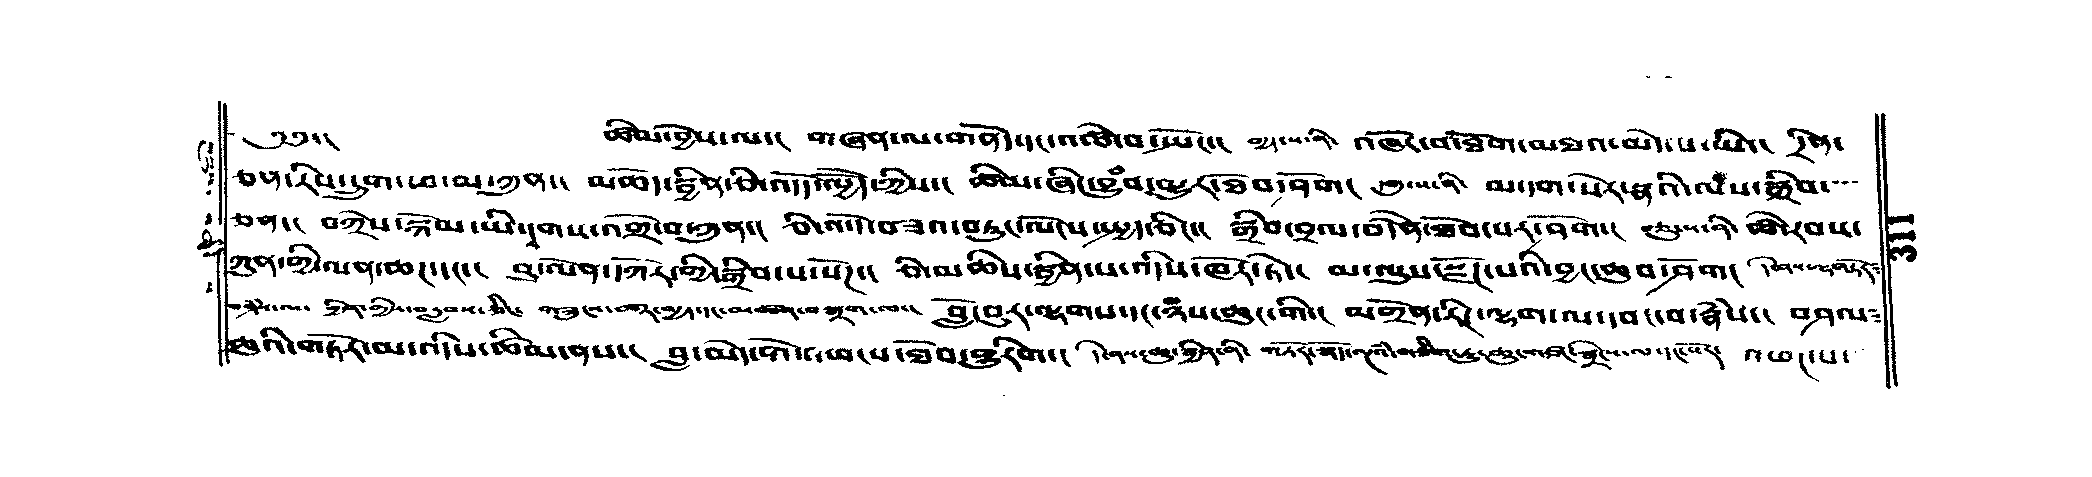ཚིམ་བྱོས་ལ། །གཞན་ལ་གནོད་དང་འཚེ་བ་སྤོང་། བརྒྱད་པ་ནི། འཁོར་བ་ཐོག་མཐའ་མེད་པ་ཡི། །དྲིན་
ཅན་རིས་དྲུག་ཕ་མ་ཀུན། །མཆོད་སྦྱིན་ཅི་འདོད་ལོངས་སྤྱོད་ཀྱིས། །ཚིམ་ཞིང་བྱང་ཆུ་མྱུར་ཐོབ་ཤོག་དགུ་པ་ནི། མ་དག་སེར་སྣའི་ལས་སྒྲིབ་
ཅན། །བཀྲེས་སྐོམ་ཡི་དྭགས་འགྲོ་བ་ཀུན། །ཅི་འདོད་བཟང་བཏུང་ལོངས་སྤྱོད་ཅིང་། །སྒྲིབ་བྲལ་བདེ་ཆེན་ཐོབ་པར་ཤོག་། བཅུ་པ་ནི། ཚེ་རབས་
ཀུན་གྱི་ལན་ཆགས་དང་། །བུ་ལོན་དཀོར་གྱི་སྒྲིབ་པ་སོགས། །ཅི་མཆིས་སྦྱིན་པ་འདིས་འཁོར་ཏེ། །མ་ལུས་རྫོགས་པའི་བྱང་ཆུབ་ཤོག་། དེ་ནས་ལྷ་གཏོར་
བཤམས་ལ། བྱིན་གྱིས་བརླབས་ཅིང་། གཟུངས་ཚར་བརྒྱད་དང་མཚན་བསྒྲག་ལ། བློ་བུར་ལྷགས་དང་ཉམ་ཆུང་གི་མགྲོན་རིགས་ལྷག་ལ་དབང་བ་རྣམས། །བཤལ་
ཆུའི་གཏོར་མ་འདིས་ཚིམ་ནས། །བླ་མེད་གོ་འཕང་ཐོབ་གྱུར་ཅིག་དེ་ནས་ཆུ་སྦྱིན་ནི། གཏོར་སྣོད་ལྔའམ་གཅིག་ཏུ་ཆུ་གཙང་སྦྲེངས་ལ་དང་པོར། འཕགས་པ་